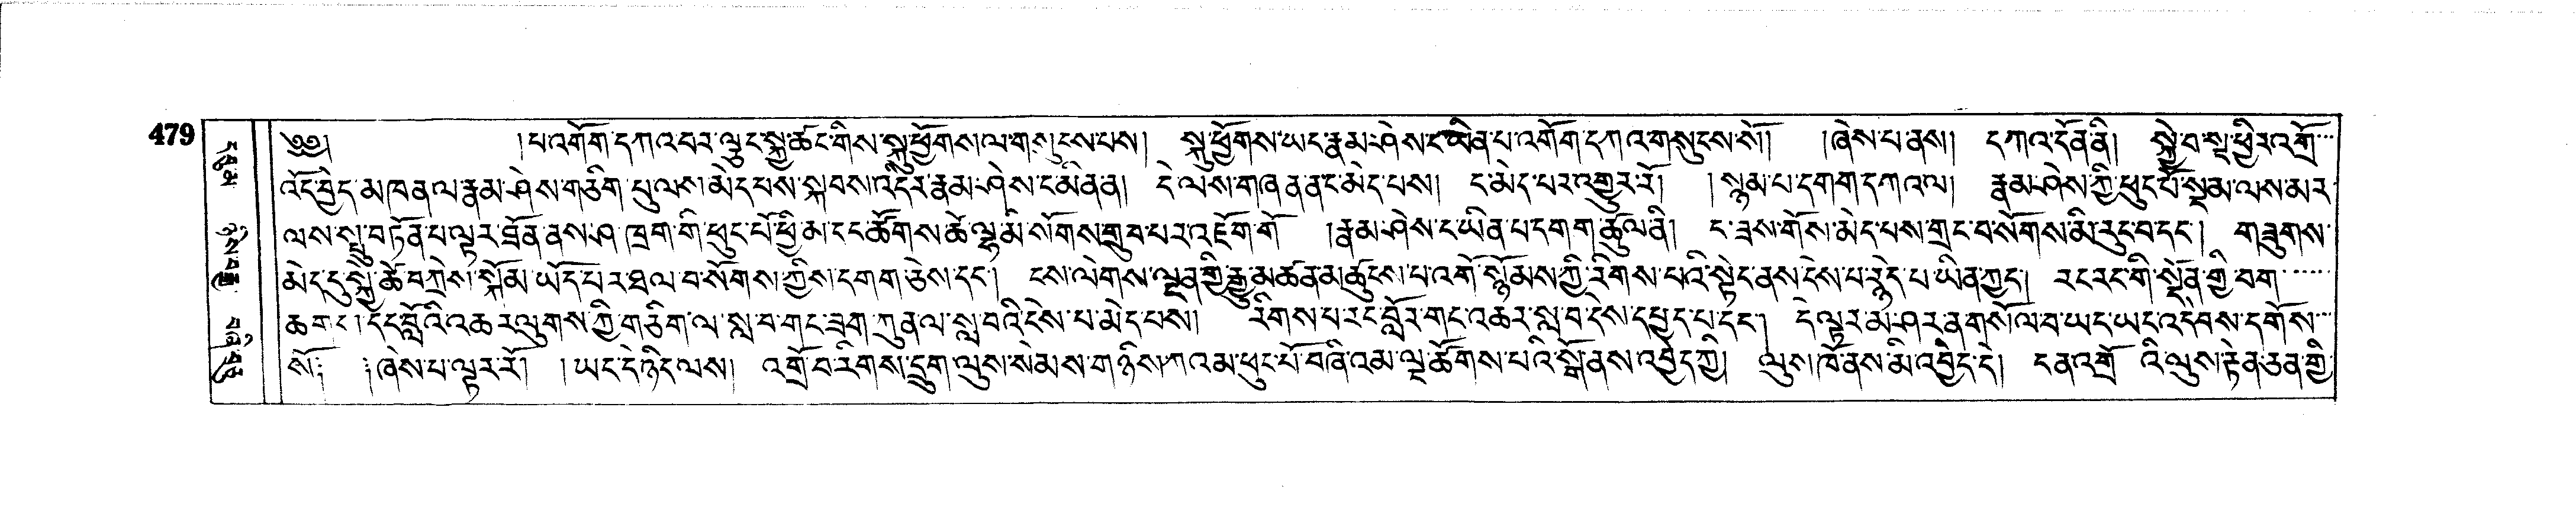༄༅། །པ་འགོག་དཀའ་བར་ལྕང་སྐྱ་ཚང་གིས་སྐུ་ཕྱོགས་ལ་གསུངས་པས། སྐུ་ཕྱོགས་ཡང་རྣམ་ཤེས་ང་ཡིན་པ་འགོག་དཀའ་གསུངས་སོ། །ཞེས་པ་ནས། དཀའ་དོན་ནི། སྐྱེ་བ་སྔ་ཕྱིར་འགྲོ་
འོང་བྱེད་མཁན་ལ་རྣམ་ཤེས་གཅིག་པུ་ལས་མེད་པས་སྐབས་འདིར་རྣམ་ཤེས་ང་མིན་ན། དེ་ལས་གཞན་ན་ང་མེད་པས། ང་མེད་པར་འགྱུར་རོ། །སྙམ་པ་དགག་དཀའ་ལ། རྣམ་ཤེས་ཀྱི་ཕུང་པོ་སྔ་མ་ལས་མར་
ལས་སྤུ་བཏོན་པ་ལྟར་ཐོན་ནས་ཤ་ཁྲག་གི་ཕུང་པོ་ཕྱི་མ་དང་ཚོགས་ཚེ་ལྷ་མི་སོགས་གྲུབ་པར་འཇོག་གོ །རྣམ་ཤེས་ང་ཡིན་པ་དགག་ཚུལ་ནི། ང་ཟས་གོས་མེད་པས་གྲང་བ་སོགས་མི་རུང་བ་དང་། གཟུགས་
མེད་དུ་སྐྱེ་ཚེ་བཀྲེས་སྐོམ་ཡོད་པར་ཐལ་བ་སོགས་ཀྱིས་དགག་ཅེས་དང་། ངས་ལེགས་ལྡན་གྱི་རྒྱུ་མཚན་མཚུངས་པ་འགོ་སྙོམས་ཀྱི་རིགས་པའི་སྟེང་ནས་ངེས་པ་རྙེད་པ་ཡིན་ཀྱང་། རང་རང་གི་སྔོན་གྱི་བག་
ཆགས་དང་བློའི་འཆར་ལུགས་ཀྱི་གཅིག་ལ་སླ་བ་གང་ཟག་ཀུན་ལ་སླ་བའི་ངེས་པ་མེད་པས། རིགས་པ་རང་བློར་གང་འཆར་སླ་བ་ངེས་དཔྱད་པ་དང་། དེ་ལྟར་མ་ཤར་ན་གསོལ་བ་ཡང་ཡང་འདེབས་དགོས་
སོ། །ཞེས་པ་ལྟར་རོ། །ཡང་དེ་ཉིད་ལས། འགྲོ་བ་རིགས་དྲུག་ལུས་སེམས་གཉིས་ཀའམ་ཕུང་པོ་བཞི་འམ་ལྔ་ཚོགས་པའི་སྒོ་ནས་འབྱེད་ཀྱི། ལུས་ཁོ་ནས་མི་འབྱེད་དེ། ངན་འགྲོའི་ལུས་རྟེན་ཅན་གྱི་